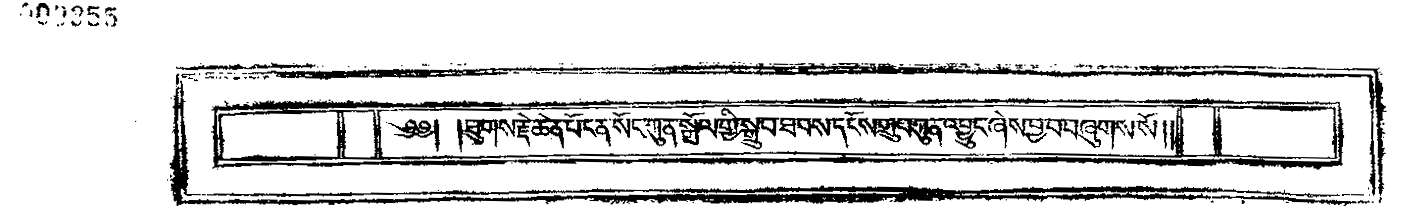༄༅། །ཐུགས་རྗེ་ཆེན་པོ་ངན་སོང་ཀུན་སྒྲོལ་གྱི་སྒྲུབ་ཐབས་དངོས་གྲུབ་ཀུན་འབྱུང་ཞེས་བྱ་བ་བཞུགས་སོ། །